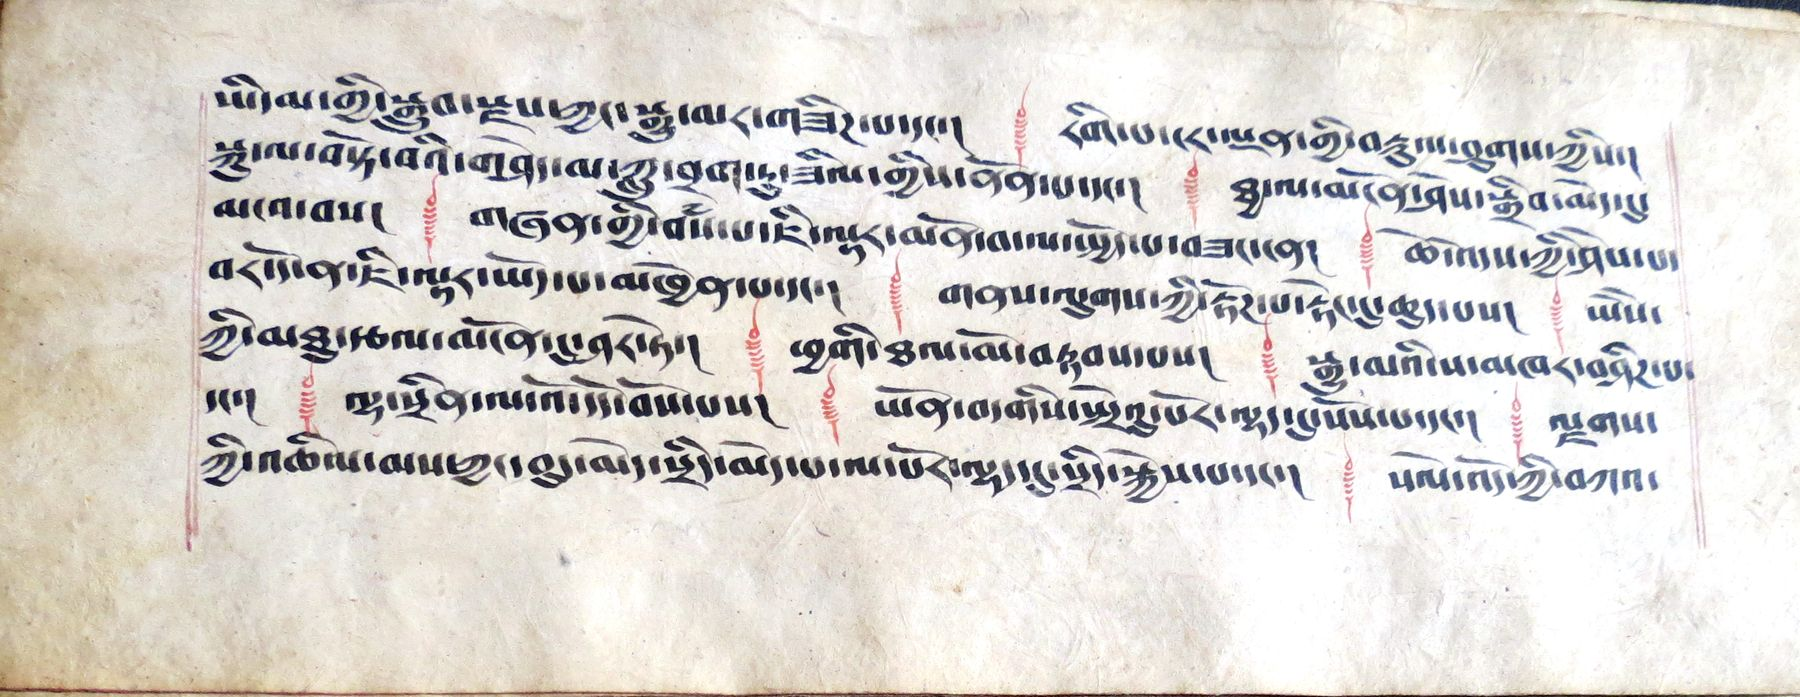ཡི་དམ་གྱི་སྒྲུབ་རྫས་ཀྱང་སྒྱུ་མར་གཟིགས་པ་དང་། རིག་པ་ངར་ལྔན་གྱི་རྡུལ་ཞུགས་ཀྱིས། 
སྐུ་ལ་བསྡོ་བའི་གཤེད་མ་ཀླུ་བྲག་ཏུ་ཟིལ་གྱིས་ནོན་པ་དང་། ཐུགས་ལ་མངོན་ཤེས་སྒྲིབ་མེད་དུ་
མངའ་བས། གཞན་གྱི་བསམ་པ་ཅི་ལྟར་མནོ་བ་ལ་སྤྱོད་པ་བཟང་ངན། ཚེ་འདས་ཀྱི་ཤེས་པ་
བར་དོ་ནི་ཅི་ལྟར་ཡོད་པ་མཁྱེན་པ་དང་། གནས་ལུགས་ཀྱི་རྟོགས་པ་གདེང་དུ་ཆུད་པས། ཡེ་ཤེས་
ཀྱི་མཐུ་རྩལ་མངོན་དུ་ཤར་ཏེ། ཕྱག་གིས་ཐལ་མོ་བརྡབས་པས། སྒྱུ་མའི་ས་མཁར་བཤིག་པ་
དང་། ལྷ་སྲིན་ལ་འོ་དོད་བོས་པས། ཡོན་བདག་གི་སྲིའུ་བོར་ལྡད་དུ་སོས་པ་དང་། ལྗགས་
ཀྱི་མཆིལ་མས་ཀྱང་བུད་མེད་སྲིད་མེད་པ་ལ་པོར་ལྡད་དུ་སྲིད་བསྐྱེད་པ་དང་། སལེ་འོད་ཀྱི་བཀའ་